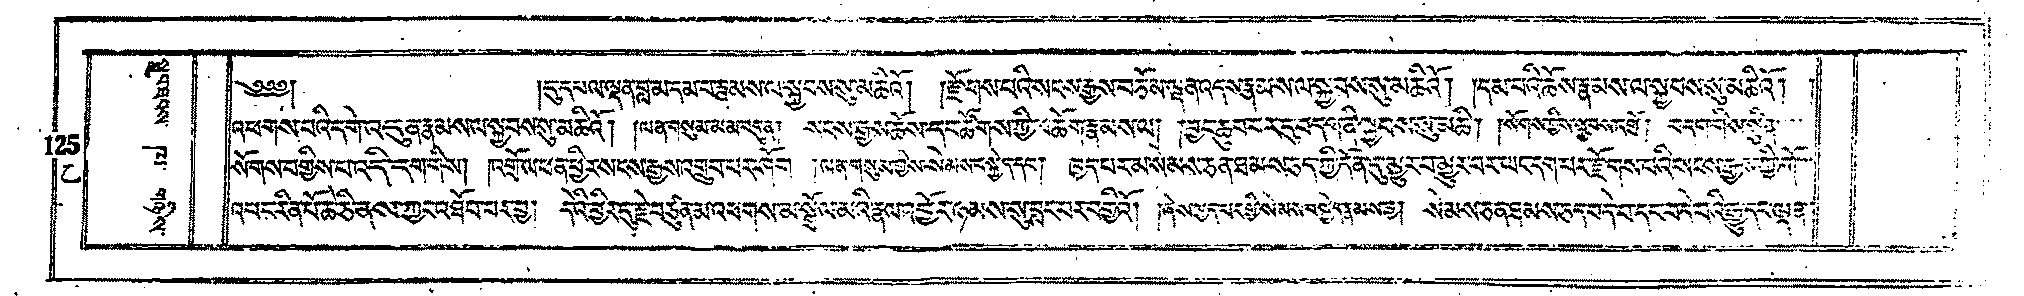༄༅། །དུ་དཔལ་ལྡན་བླ་མ་དམ་པ་རྣམས་ལ་སྐྱབས་སུ་མཆིའོ། །རྫོགས་པའི་སངས་རྒྱས་བཅོམ་ལྡན་འདས་རྣམས་ལ་སྐྱབས་སུ་མཆིའོ། །དམ་པའི་ཆོས་རྣམས་ལ་སྐྱབས་སུ་མཆིའོ། །
འཕགས་པའི་དགེ་འདུན་རྣམས་ལ་སྐྱབས་སུ་མཆིའོ། །ལན་གསུམ་མ་མ་བདུན།  སངས་རྒྱས་ཆོས་དང་ཚོགས་ཀྱི་མཆོག་རྣམས་ལ། །བྱང་ཆུབ་བར་དུ་བདག་ནི་སྐྱབས་སུ་མཆི། །སོགས་ཀྱིས་སྐྱབས་འགྲོ། བདག་གིས་སྤྱིན་་་
སོགས་བགྱིས་པ་འདི་དག་གིས། །འགྲོ་ལ་ཕན་ཕྱིར་སངས་རྒྱས་འགྲུབ་པར་ཤོག་།ལན་གསུམ་གྱིས་སེམས་བསྐྱེད་དང་།  ཁྱད་པར་མ་སེམས་ཅན་ཐམས་ཅད་ཀྱི་དོན་དུ་མྱུར་བ་མྱུར་བར་ཡང་དག་པར་རྫོགས་པའི་སངས་རྒྱས་ཀྱི་གོ་་་
འཕང་རིན་པོ་ཆེ་ཅི་ནས་ཀྱང་འཐོབ་པར་བྱ། དེའི་ཕྱིར་དུ་རྗེ་བཙུན་མ་འཕགས་མ་སྒྲོལ་མའི་རྣལ་འབྱོར་ཉམས་སུ་བླང་བར་བགྱིའོ། །ཞེས་ཁྱད་པར་གྱི་སེམས་བསྐྱེད་རྣམས་བྱ།  སེམས་ཅན་ཐམས་ཅད་བདེ་བ་དང་བདེ་བའི་རྒྱུ་དང་ལྡན་་་